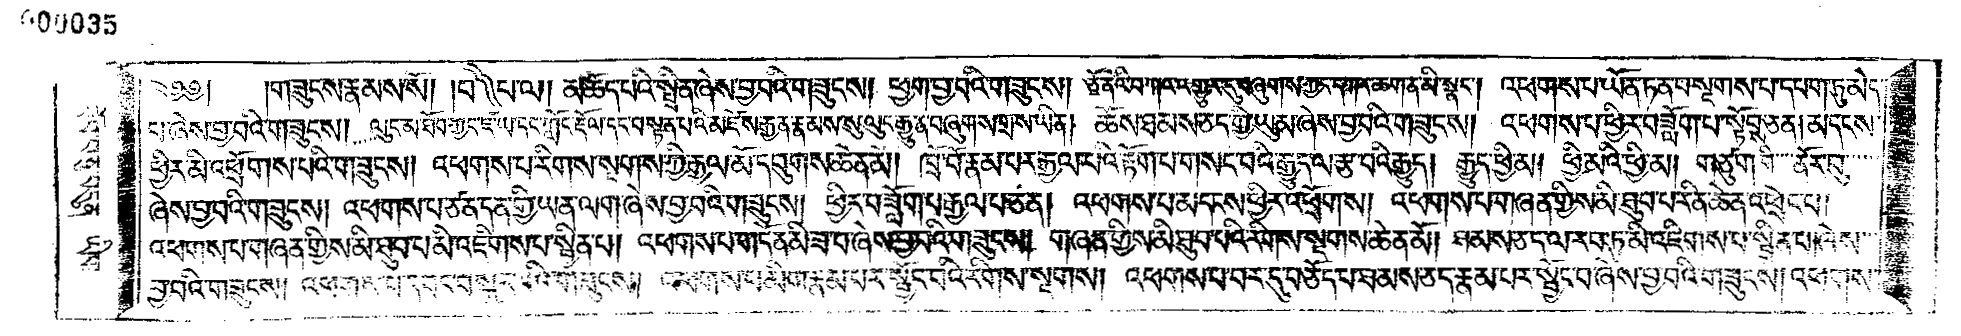༄༅། །གཟུངས་རྣམས་སོ། །པ༼༽ པ་ལ། མཆོད་པའི་སྤྲིན་ཞེས་བྱ་བའི་གཟུངས། ཕྱག་བྱ་བའི་གཟུངས། ཅྭོ་ནེའི་བཀའ་འགྱུར་དུ་བཞུགས་ཀྱང་དཀར་ཆག་ན་མི་སྣང་།  འཕགས་པ་ཡོན་ཏན་བསྔགས་པ་དཔག་ཏུ་མེད་
པ་ཞེས་བྱ་བའི་གཟུངས་ལུང་མ་ཐོབ་ཀྱང་ཛ་ཡ་དང་ཀློང་རྡོལ་དང་བསྟན་པའི་མཛེས་རྒྱན་རྣམས་སུ་ལུང་རྒྱུན་བཞུགས་གྲས་ཡིན།  ཆོས་ཐམས་ཅད་གྱི་ཡུམ་ཞེས་བྱ་བའི་གཟུངས། འཕགས་པ་ཕྱིར་བཟློག་པ་སྟོབས་ཅན། མདངས་
ཕྱིར་མི་འཕྲོགས་པའི་གཟུངས། འཕགས་པ་རིགས་སྔགས་ཀྱི་རྒྱལ་མོ་དབུགས་ཆེན་མོ། ཁྲོ་བོ་རྣམས་པར་རྒྱལ་པའི་རྟོག་པ་གསང་བའི་རྒྱུད་ལ་རྩ་བའི་རྒྱུད། རྒྱུད་ཕྱི་མ། ཕྱི་མའི་ཕྱི་མ། གཙུག་གི་ནོར་བུ་
ཞེས་བྱ་བའི་གཟུངས། འཕགས་པ་ཙན་དན་གྱི་ཡན་ལག་ཞེས་བྱ་བའི་གཟུངས། ཕྱིར་བཟློག་པ་རྒྱལ་པ་ཅན། འཕགས་པ་མདངས་ཕྱིར་འཕྲོགས། འཕགས་པ་གཞན་གྱིས་མི་ཐུབ་པ་རིན་ཆེན་འཕྲེང་པ།
འཕགས་པ་གཞན་གྱིས་མི་ཐུབ་པ་མི་འཇིགས་པ་སྦྱིན་པ། འཕགས་པ་གདོན་མི་ཟ་བ་ཞེས་བྱ་བའི་གཟུངས། གཞན་གྱིས་མི་ཐུབ་པའི་རིགས་སྔགས་ཆེན་མོ། ཐམས་ཅད་ལ་རབ་ཏུ་མི་འཇིགས་པ་སྦྱིན་པ། ཞེས་
བྱ་བའི་གཟུངས། འཕགས་པ་དབང་བསྐུར་བའི་གཟུངས། འཕགས་པ་མིག་རྣམ་པར་སྦྱོང་བའི་རིགས་སྔགས། འཕགས་པ་བར་དུ་བཅོད་པ་ཐམས་ཅད་རྣམ་པར་སྦྱོང་བ་ཞེས་བྱ་བའི་གཟུངས། འཕགས་